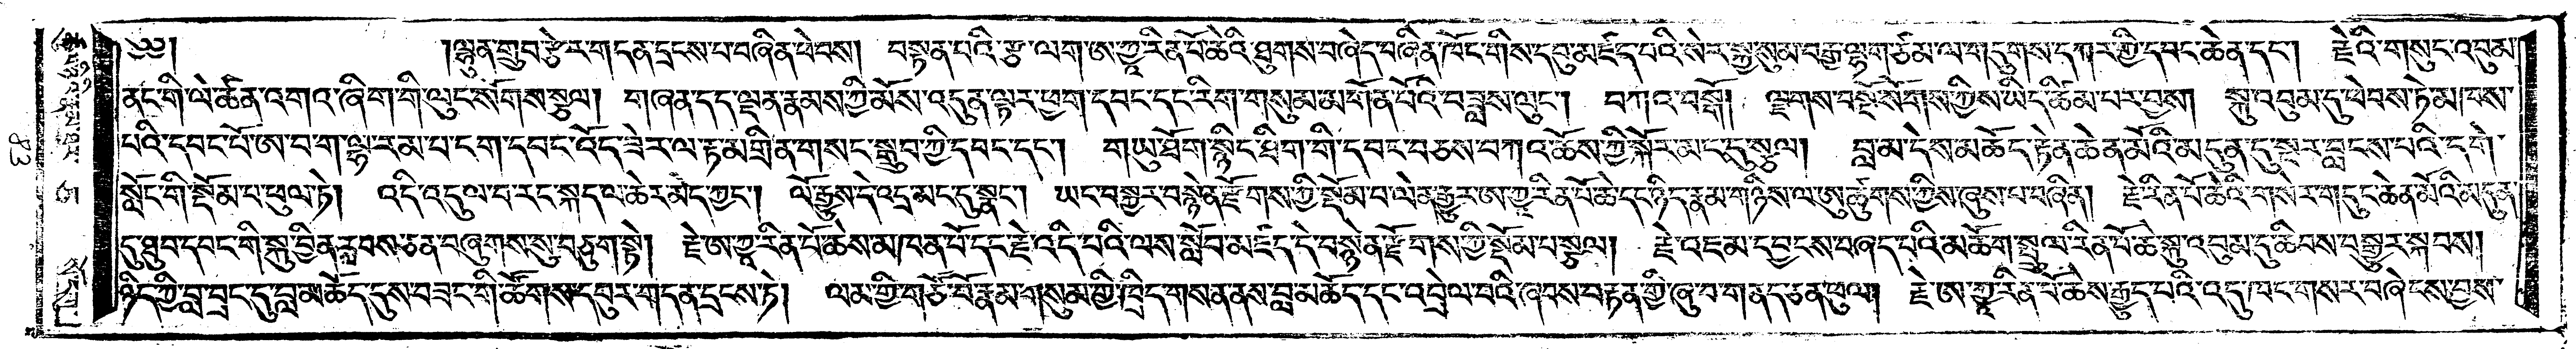༄༅། །ལྷུན་གྲུབ་རྩེར་གདན་དྲངས་པ་བཞིན་ཕེབས། བསྟན་པའི་རྩ་ལག་ཨ་ཀྱཱ་རིན་པོ་ཆེའི་ཐུགས་བཞེད་བཞིན་ཁོང་གིས་དབུ་མཛད་པའི་སེར་སྐྱ་སུམ་བརྒྱ་ལྷག་ཙམ་ལ་གདུགས་དཀར་གྱི་དབང་ཆེན་དང་། རྗེའི་གསུང་འདུག་
ནང་གི་ལེ་ཚན་འགའ་ཞིག་གི་ལུང་སོགས་སྩལ། གཞན་དད་ལྡན་རྣམས་ཀྱི་མོས་འདུན་ལྟར་ཕྱག་དབང་དང་རིག་གསུམ་མགོན་བོའི་བཟླས་ལུང་། བཀའ་བསྒོ། ལྗགས་བསྔོ་སོགས་ཀྱིས་ཡིད་ཚིམ་པར་བྱས། སྐུ་འབུམ་དུ་ཕེབས་ཏེ་མཁས་
པའི་དབང་པོ་ཨ་བ་ག་ལྷ་རམ་བ་ངག་དབང་འོད་ཟེར་ལ་རྟ་མགྲིན་གསང་སྒྲུབ་ཀྱི་དབང་དང་། གཡུ་ཐོག་སྙིང་ཐིག་གི་དབང་བཅས་བཀའ་ཆོས་ཀྱི་སྐོར་མང་དུ་སྩལ། བླ་མ་དེས་མཆོད་རྟེན་ཆེན་མོའི་མདུན་དུ་སྔར་བླངས་པའི་དགེ་
སློང་གི་སྔོམ་པ་ཕུལ་ཏེ། འདི་འདུལ་བ་རང་སྐད་ལ་ཆེར་མེད་ཀྱང་། ལོ་རྒྱུས་དེ་འདྲ་མང་དུ་སྣང་། ཡང་བསྐྱར་བསྙེན་རྫོགས་ཀྱི་སྡོམ་པ་ལེན་རྒྱུ་ར་ཨ་ཀྱཱ་རིན་པོ་ཆེ་དང་ཉིད་རྣམ་གཉིས་ལ་ཨུ་ཚུགས་ཀྱིས་ཞུས་པ་བཞིན། རྗེ་རིན་པོ་ཆེའི་གསེར་གདུང་ཆེན་མོའི་མདུན་
དུ་ཐུབ་དབང་གི་སྐུ་བྱིན་རླབས་ཅན་བཞུགས་སུ་བཅུག་སྟེ། རྗེ་ཨ་ཀྱཱ་རིན་པོ་ཆེས་མཁན་པོ་དང་རྗེ་འདི་པའི་ལས་སློབ་མཛད་དེ་བསྙེན་རྫོགས་ཀྱི་སྡོམ་པ་སྩལ། རྗེ་འཇམ་དབྱངས་བཞད་པའི་མཆོག་སྤྲུལ་རིན་པོ་ཆེ་སྐུ་འབུམ་དུ་ཆིབས་བསྒྱུར་སྐབས།
ཉིད་ཀྱི་བླ་བྲང་དུ་བླ་མཆོད་དུས་བཟང་གི་ཚོགས་དབུར་གདན་དྲངས་ཏེ། ལམ་གྱི་གཙོ་བོ་རྣམ་གསུམ་གྱི་ཁྲིད་གསན་ནས་བླ་མཆོད་དང་འབྲེལ་བའི་ཞབས་བརྟན་གྱི་ཞུ་བ་གནད་ཅན་ཕུལ། རྗེ་ཨ་ཀྱཱ་རིན་པོ་ཆེས་རྒྱུད་པའི་འདུ་ཁང་གསར་བཞེངས་བྱས་